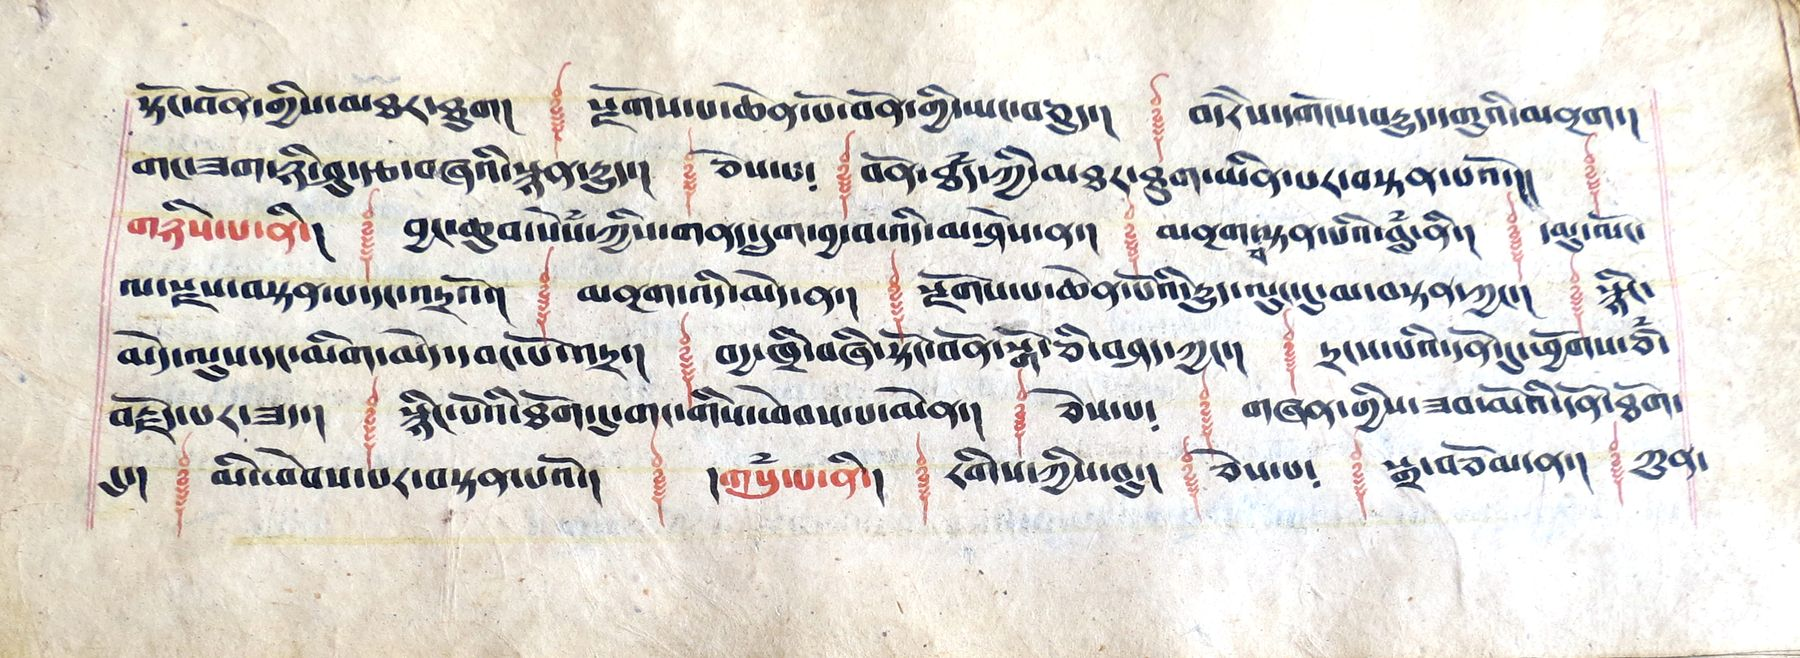སྟོང་བོན་གྱི་མཐར་ཐུག རྫོགས་པ་ཆེན་པོ་བོན་གྱི་ཡང་བཅུད། བདེར་གཤེགས་དགོངས་རྒྱུད་དགུའི་མན་ངག 
གང་ཟག་ཉི་ཤུ་རྩ་བཞིའི་སྙན་རྒྱུད། །ཅེས་པས་བོན་ཐམས་ཅད་ཀྱི་མཐར་ཐུག་ཡིན་པར་བསྟན་པའོ། 
གཉིས་པ་ནི། བྱང་ཆུབ་སེམས་ཀྱི་གནད་དྲུག་བྱ་བ་འདི་མ་ཤེས་ན། མན་ངག་སྟོན་པའི་བླ་མ་ནི། དམུ་ལོང་
ལ་རྫས་བསྟན་པ་དང་འདྲའོ། །མན་ངག་འདི་མེད་ན། རྫོགས་པ་ཆེན་པོའི་རྒྱུད་ལུང་དུ་མ་བསྟན་ཀྱང་། སྙིང་
མེད་ལུས་དང་མིག་མེད་དབང་པོ་འདྲ། བརྒྱད་ཁྲི་བཞི་སྟོང་བོན་སྒོ་ཅི་བཤད་ཀྱང་། དྲང་བའི་དོན་དུ་ཕྱོགས་ཙམ་
བརྗོད་པར་ཟད། སྙིང་པོའི་ཐོག་ཏུ་གང་གིས་ཕེབས་པ་མིན། །ཞེས་པས། གཞན་གྱི་ཟབ་མོའི་དོན་ཐོག་
པུ། མི་ཕེབས་པར་བསྟན་པའོ། །གསུམ་པ་ནི་རིགས་ཀྱི་བུ་ཞེས་པས་སྒྲ་བཅོམ་ན། ཀུན་